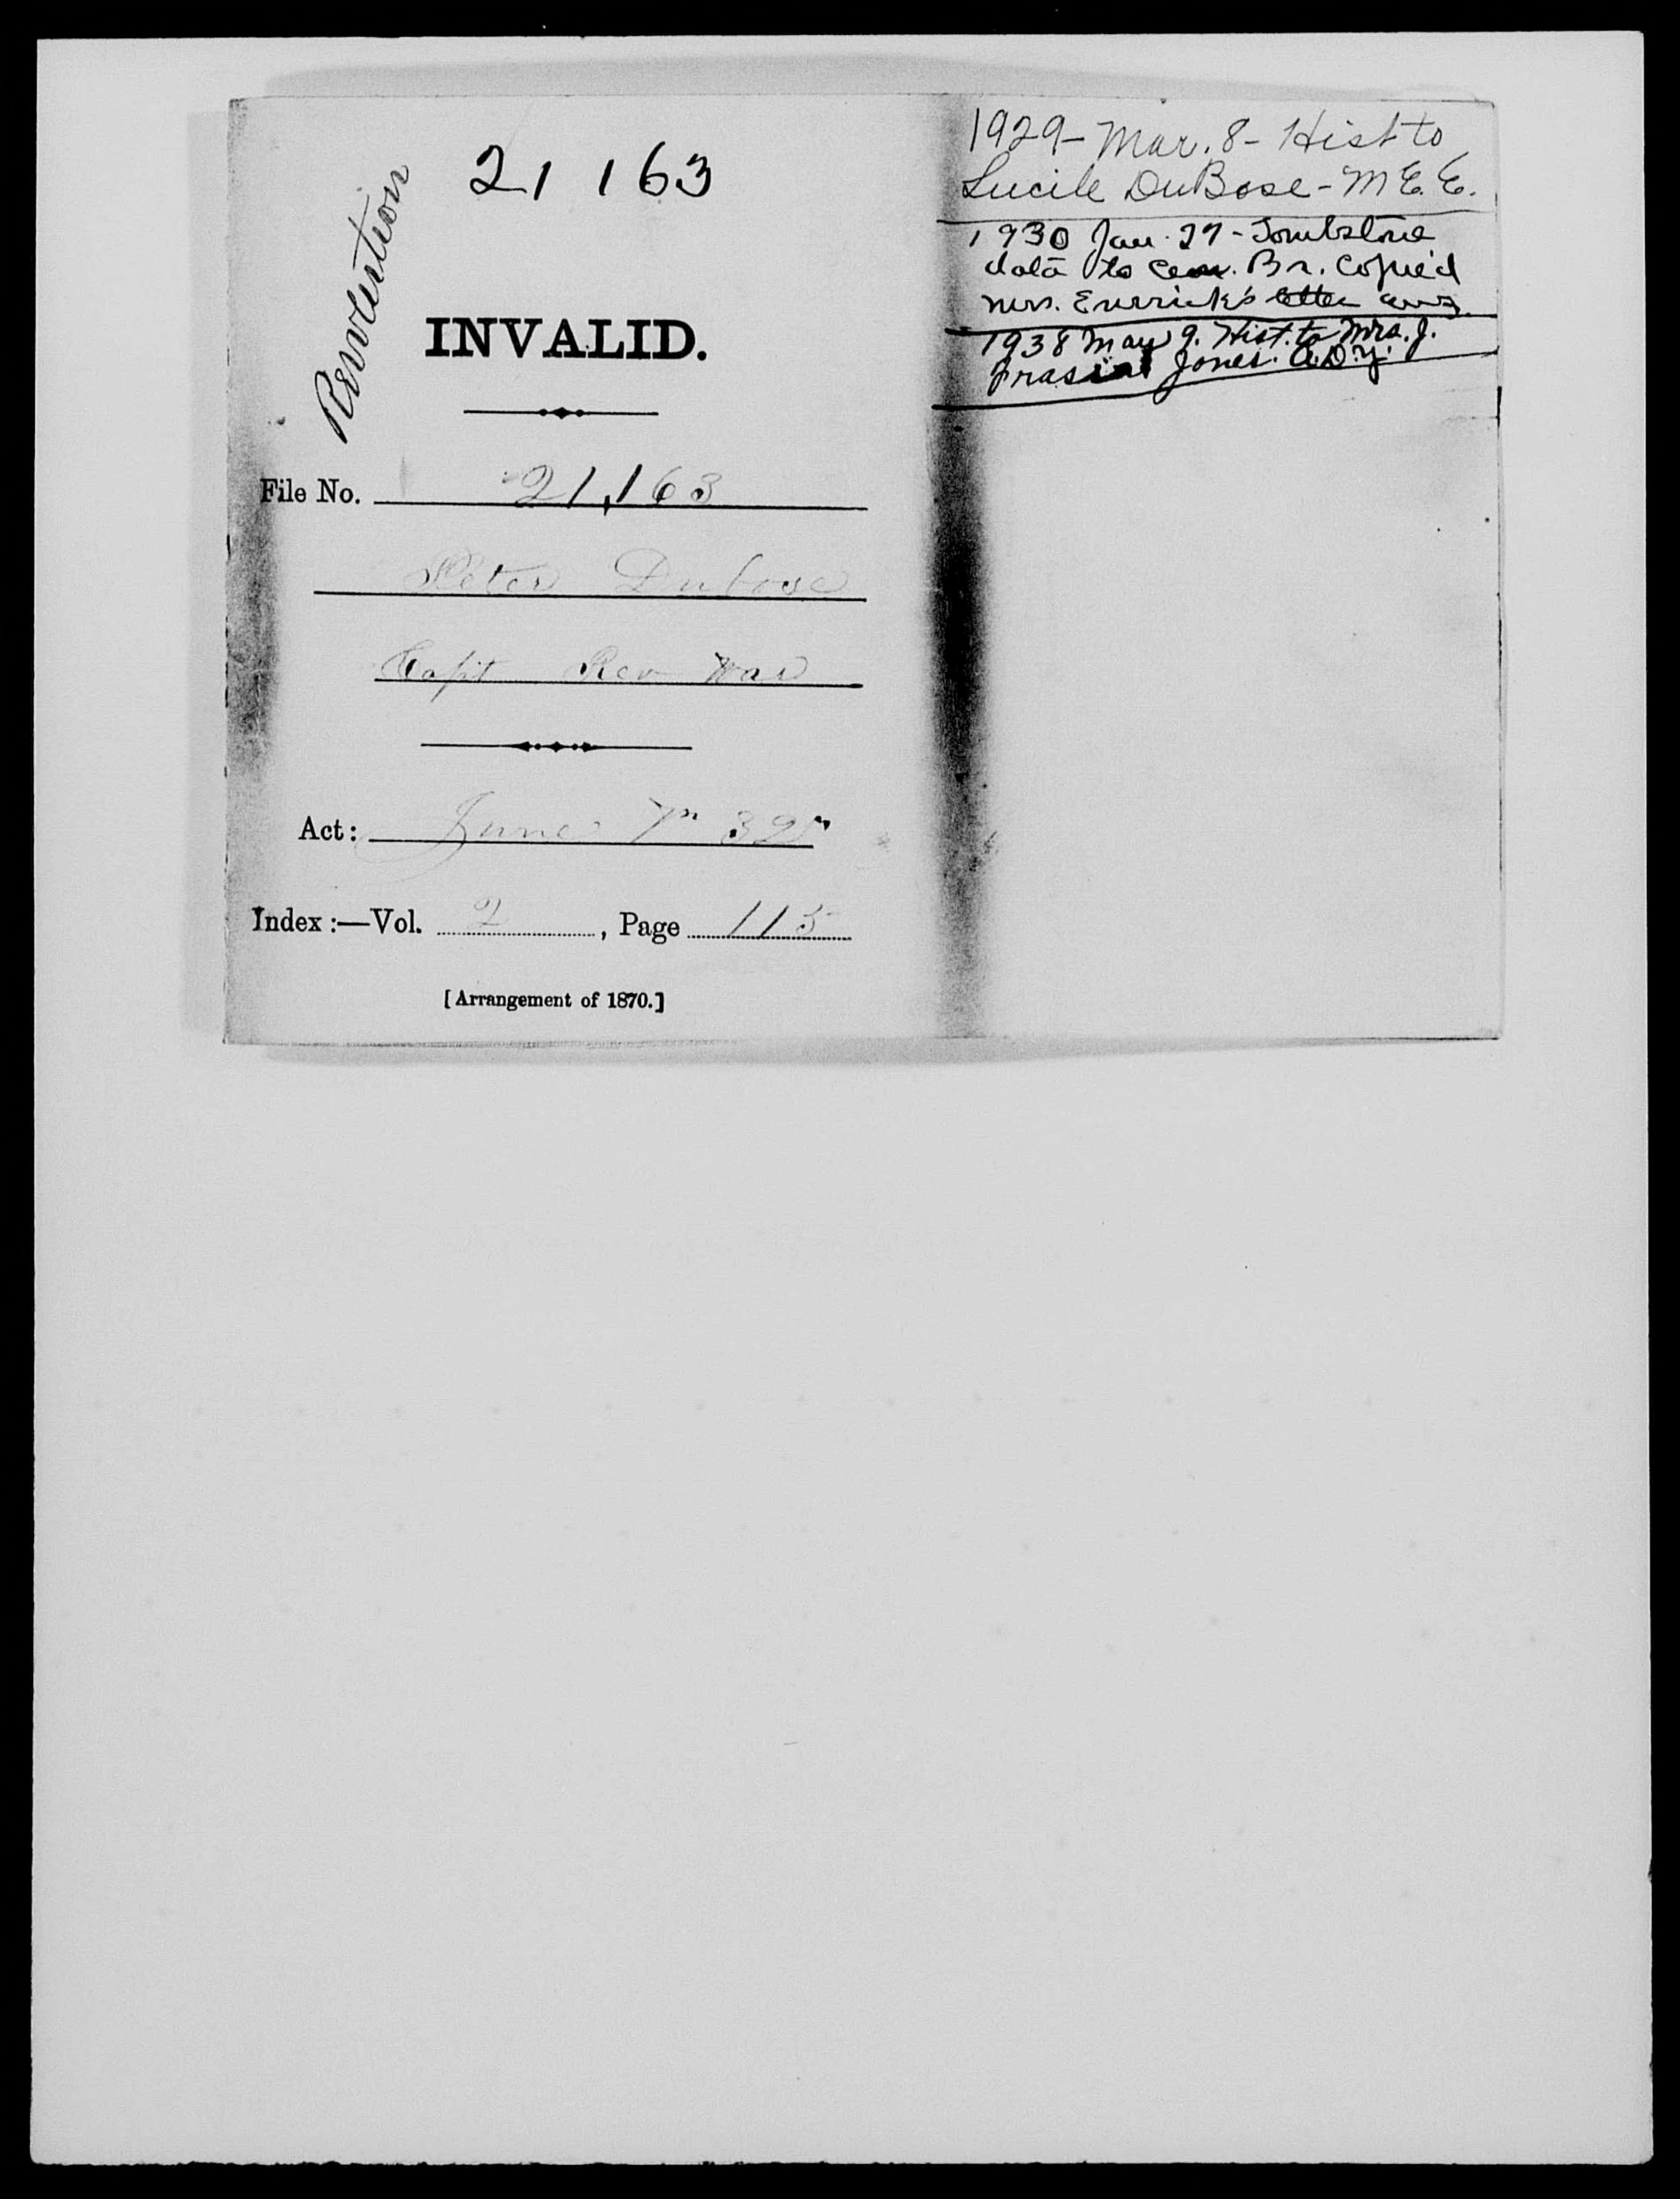[Left Page]
21163
Revolution
INVALID
File No. 21163
Peter Dubose

Capt  Rev  War
Act: June 7th   32
Index: - Vol. 2 , Page 115
[Arrangement of 1870]

[Right Page]
1929 - Mar. 8- Hist to
Lucile DuBose - M E E.
__________________
1930 Jan 27 -Tomstone
data to Cem B r. copied
Mrs. Emrick's letter
____________________
1938 May 9. Hist to Mrs. J
Frasia Jones. A.D.Y.
____________________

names: Peter Dubose, J Frasia Jones, Lucile Du Bose, Emrick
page: 12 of 43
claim: survivor's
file: S. 21163, Peter Dubose, S.C.